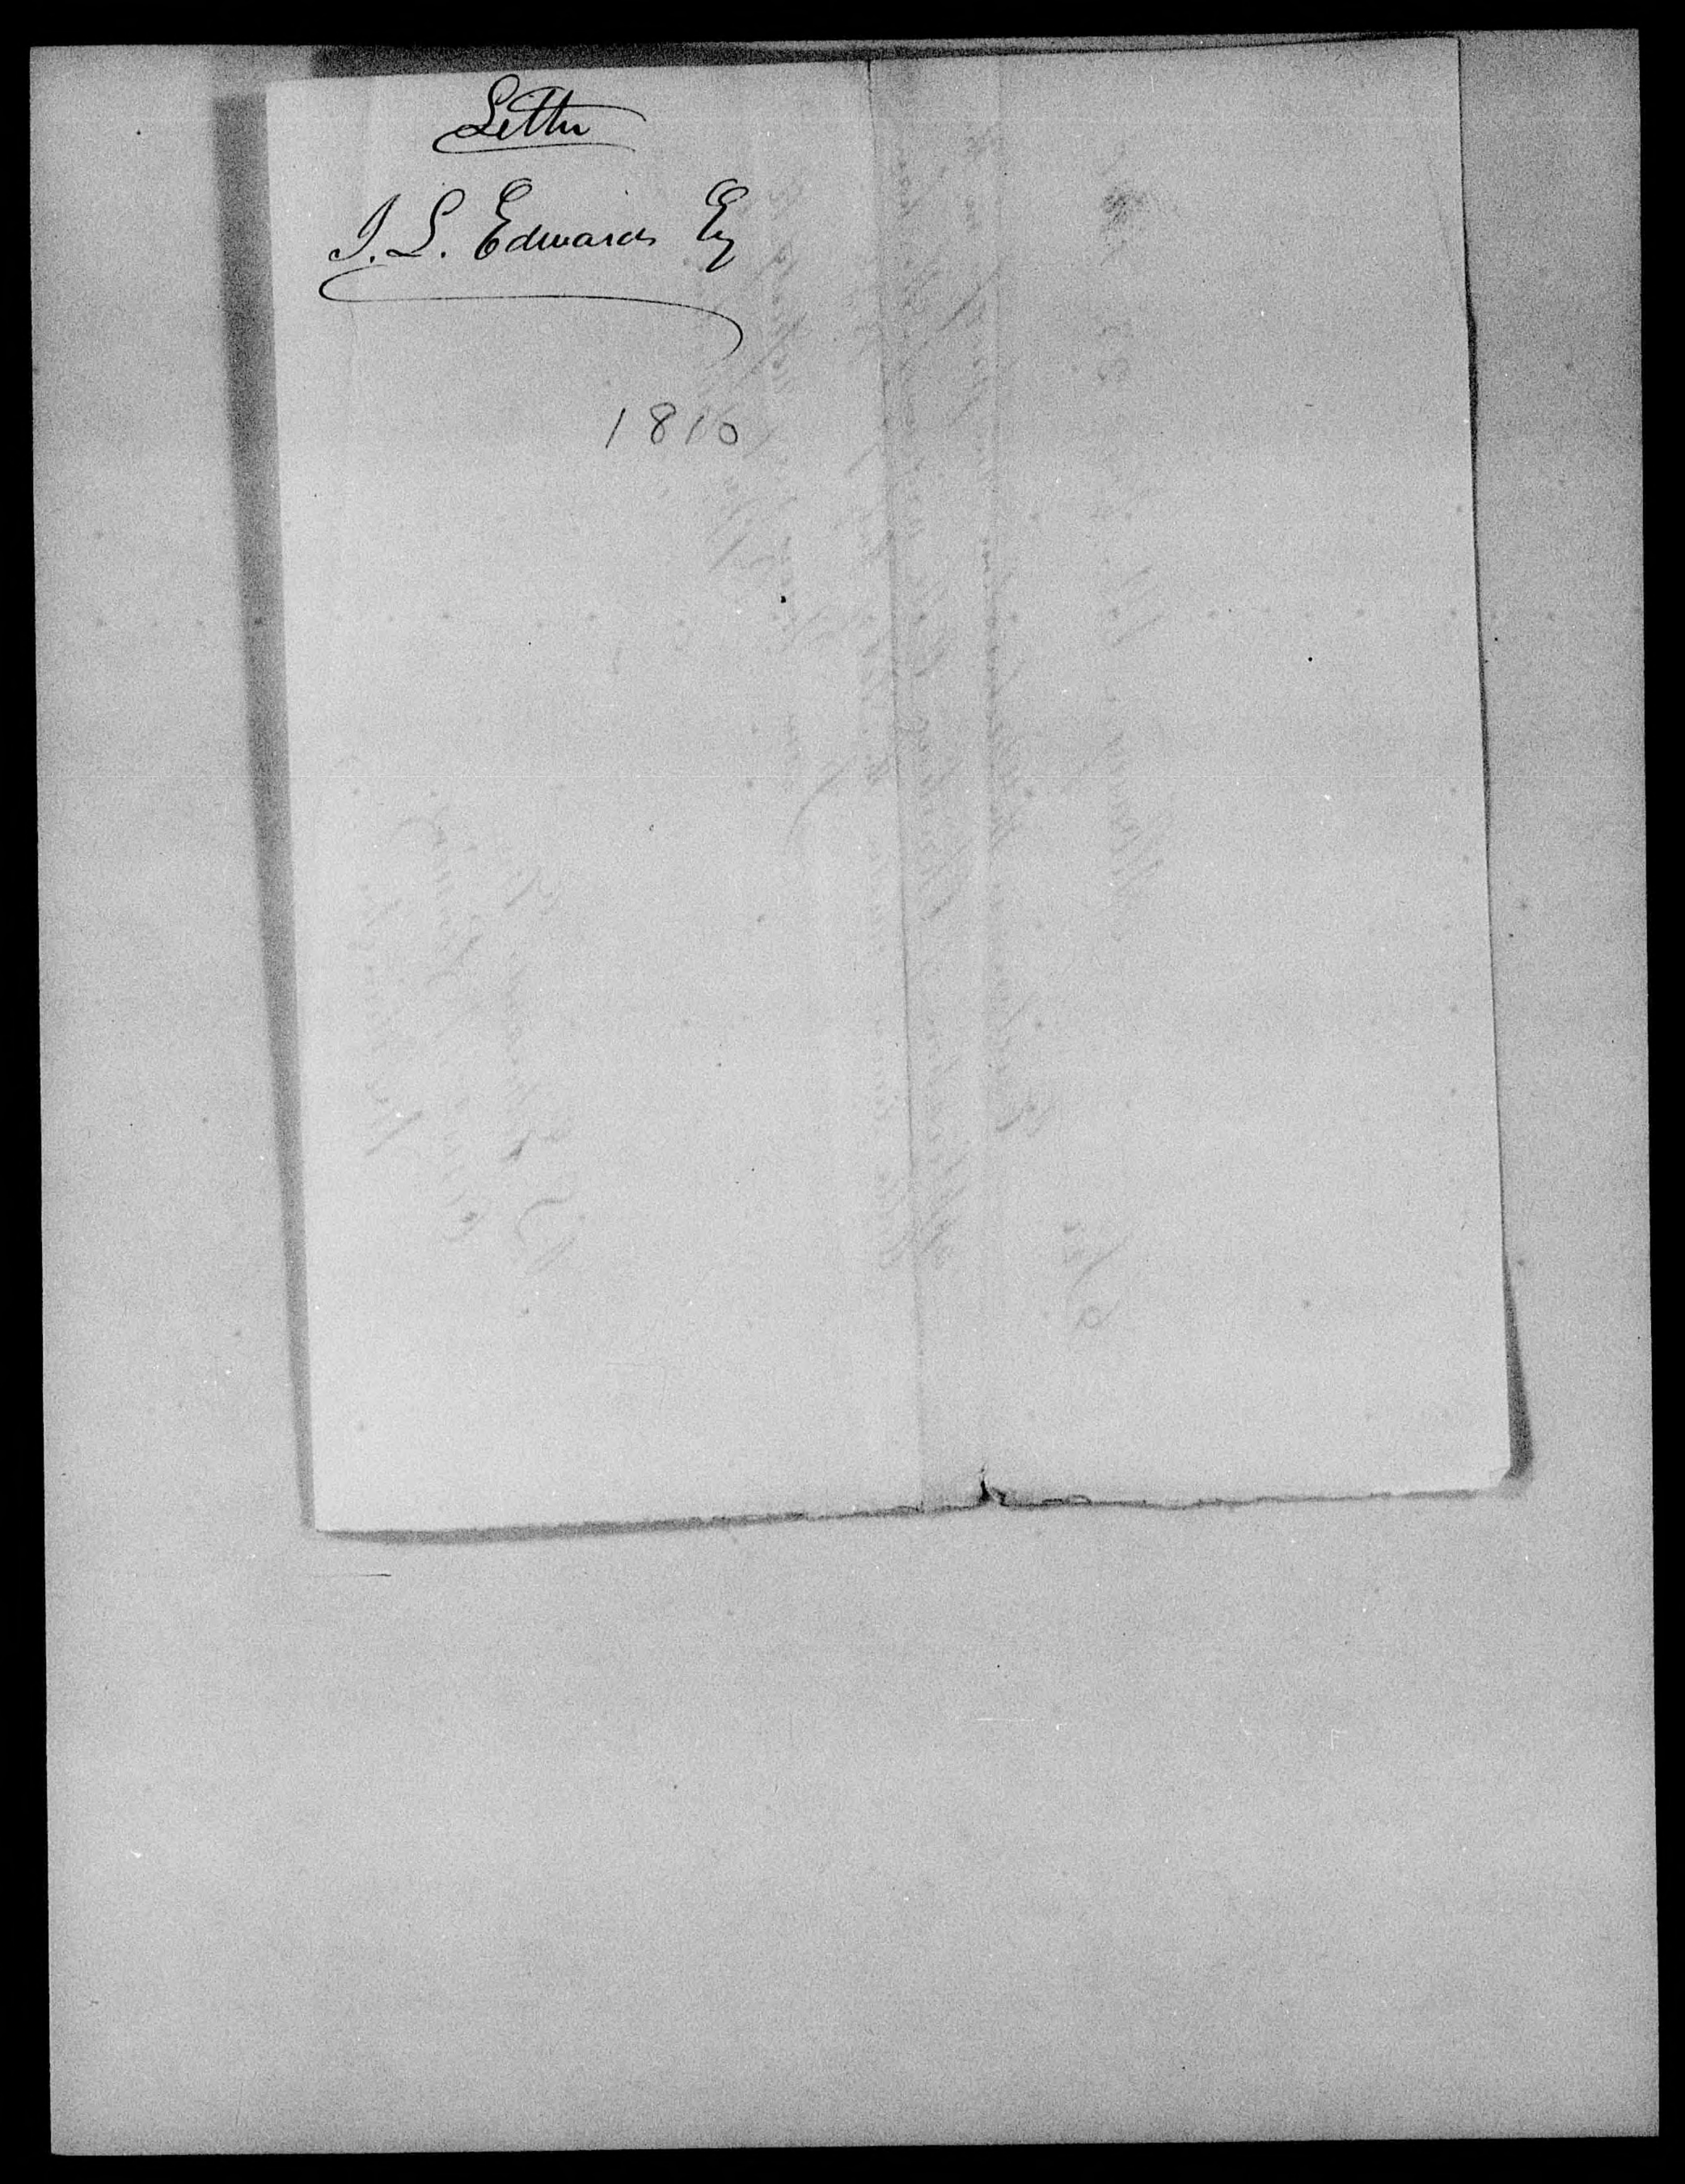Letter
J.L. Edwards, Esq.
1810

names: J L Edwards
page: 15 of 19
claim: widow's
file: W. 24363, for Abraham Odell, New York